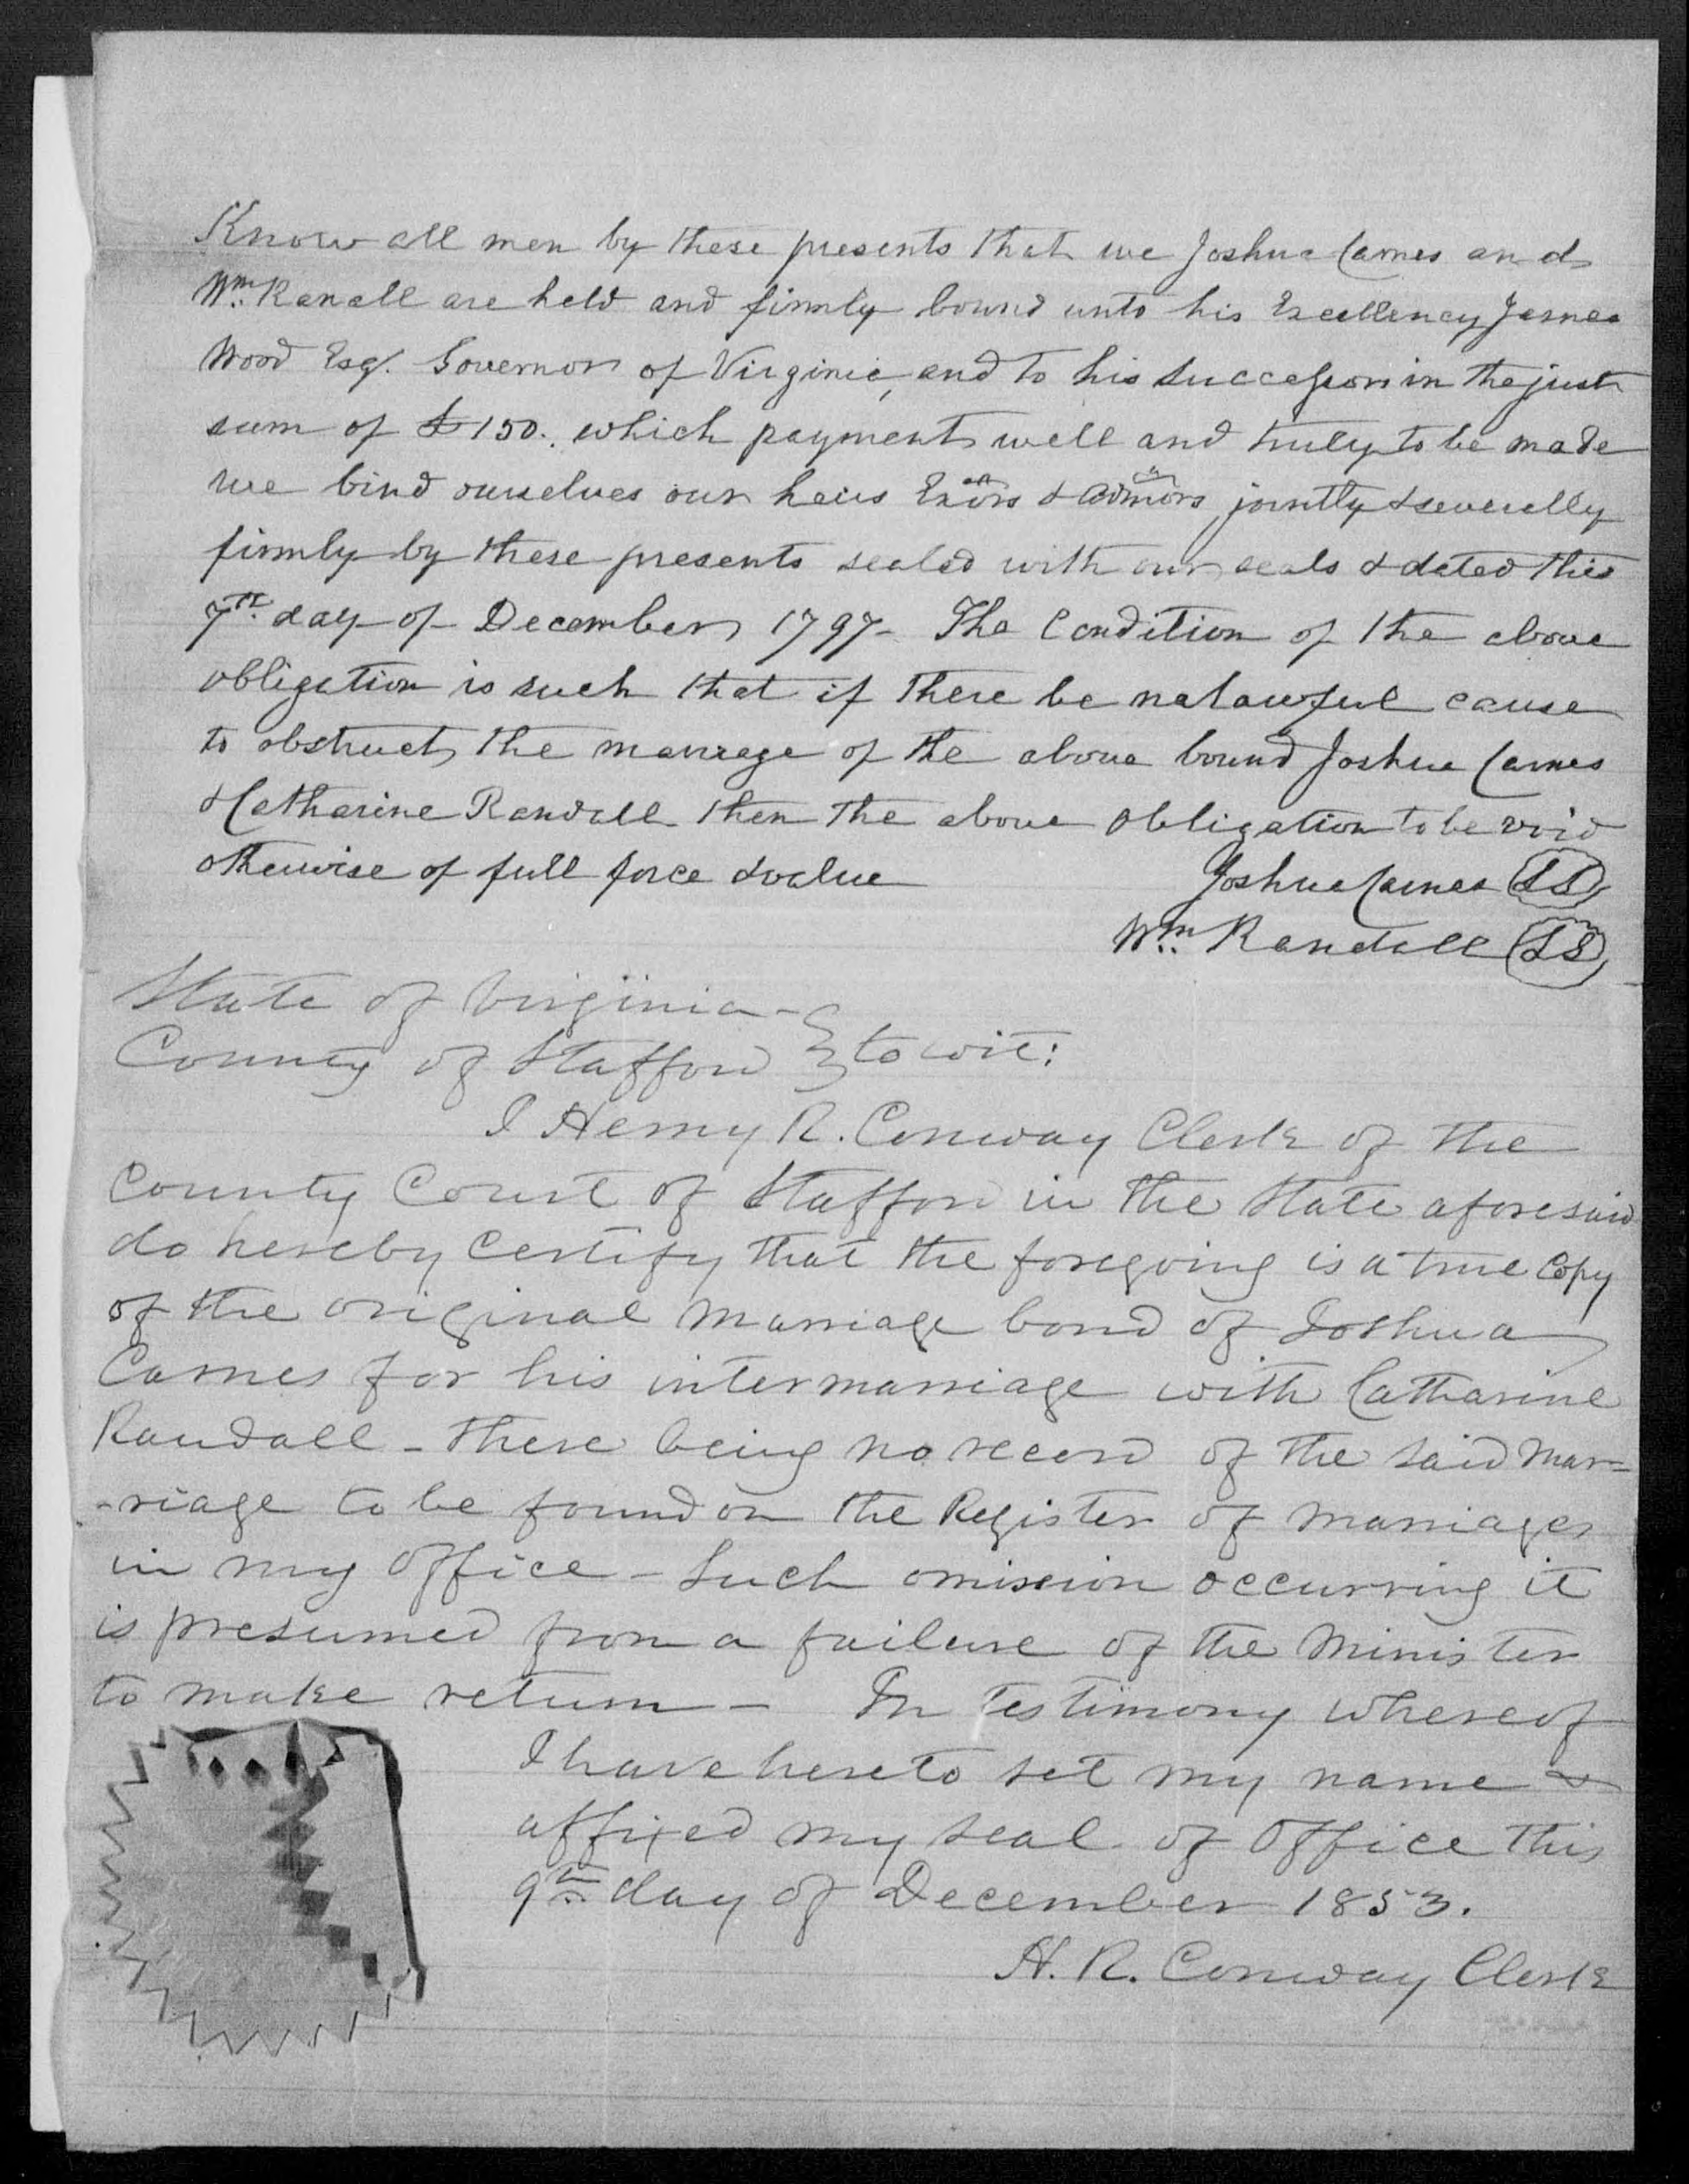Know all men by these presents that we Joshua Carnes and W. M. Randall are held and firmly bound unto his excellency James Wood Esq. Governor of Virginia and to his succession the just sum of $150 which payment well and duly to be made we bind ourselves our heirs Enos & Amos jointly & severally firmly by these presents sealed with our seals and dated this 7th day of December 1797. The condition of the clause obligation the marriage of the above bound Joshua Carnes and Catherine Randall then the above obligation to be void otherwise of full face and value.
Joshua Carnes JC
WM Randall  LS
State of Virginia 
County of Stafford to wit
Henry R. Conway Clerk of the County Council of Stafford in the State aforementioned do hereby certify that the foregoing is a true copy of the original marriage bond of Joshua Carnes for his intermarriage with Catherine Randall. There being no record of the said marriage to be found on the Register of marriage in my office. Such omission occurring is presumed from a failure of the minister to make return. In testimony whereof I have hereto set my name and affixed my seal of office this 9th day of December 1853.
H. R. Conway Clerk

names: Joshua Carnes, H R Conway, Wm Randall, Joshua Carnes, Catharine Randall, James Wood, Wm Ranall, Joshua Carnes, Catharine Randall, Henry R Conway, Joshua Carnes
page: 9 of 22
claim: rejected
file: R 1709, Joshua Carnes, Va.